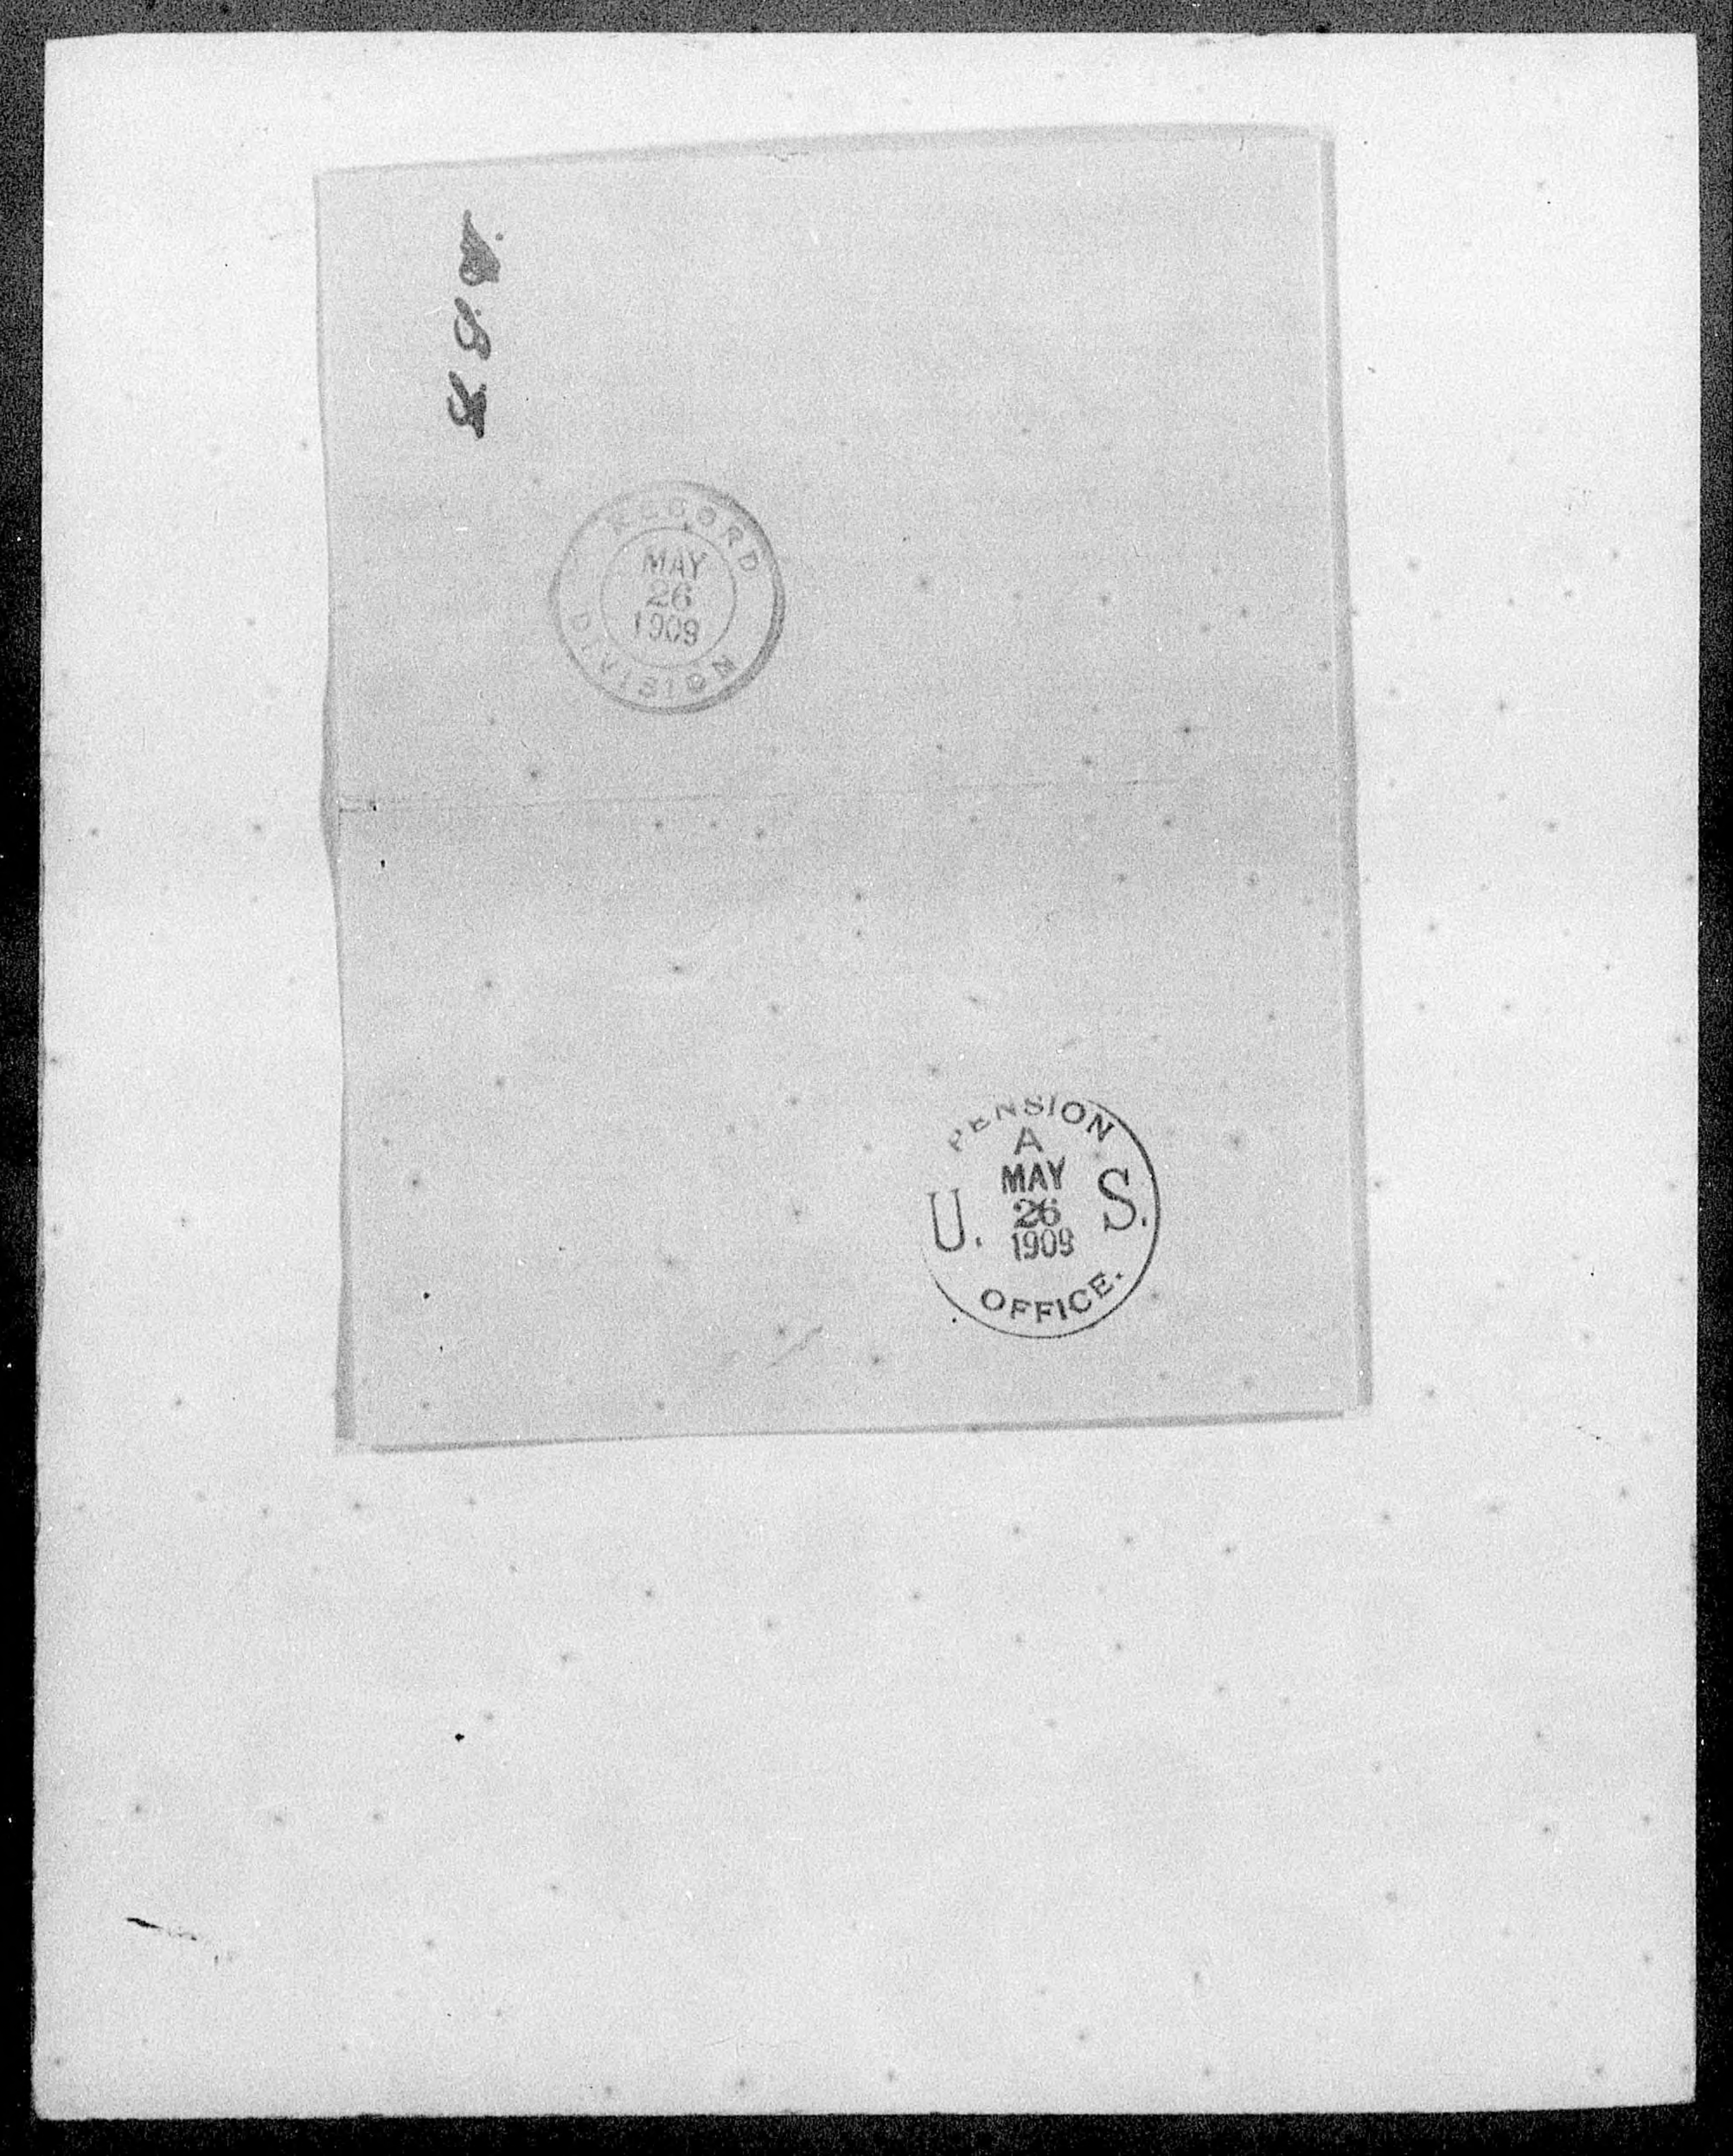[stamp]
RECORD 
MAY 26 1909
DIVISION

U.S. PENSION OFFICE
MAY 26 1909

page: 14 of 57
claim: survivor's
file: S. 18888, David Golightly, S.C.